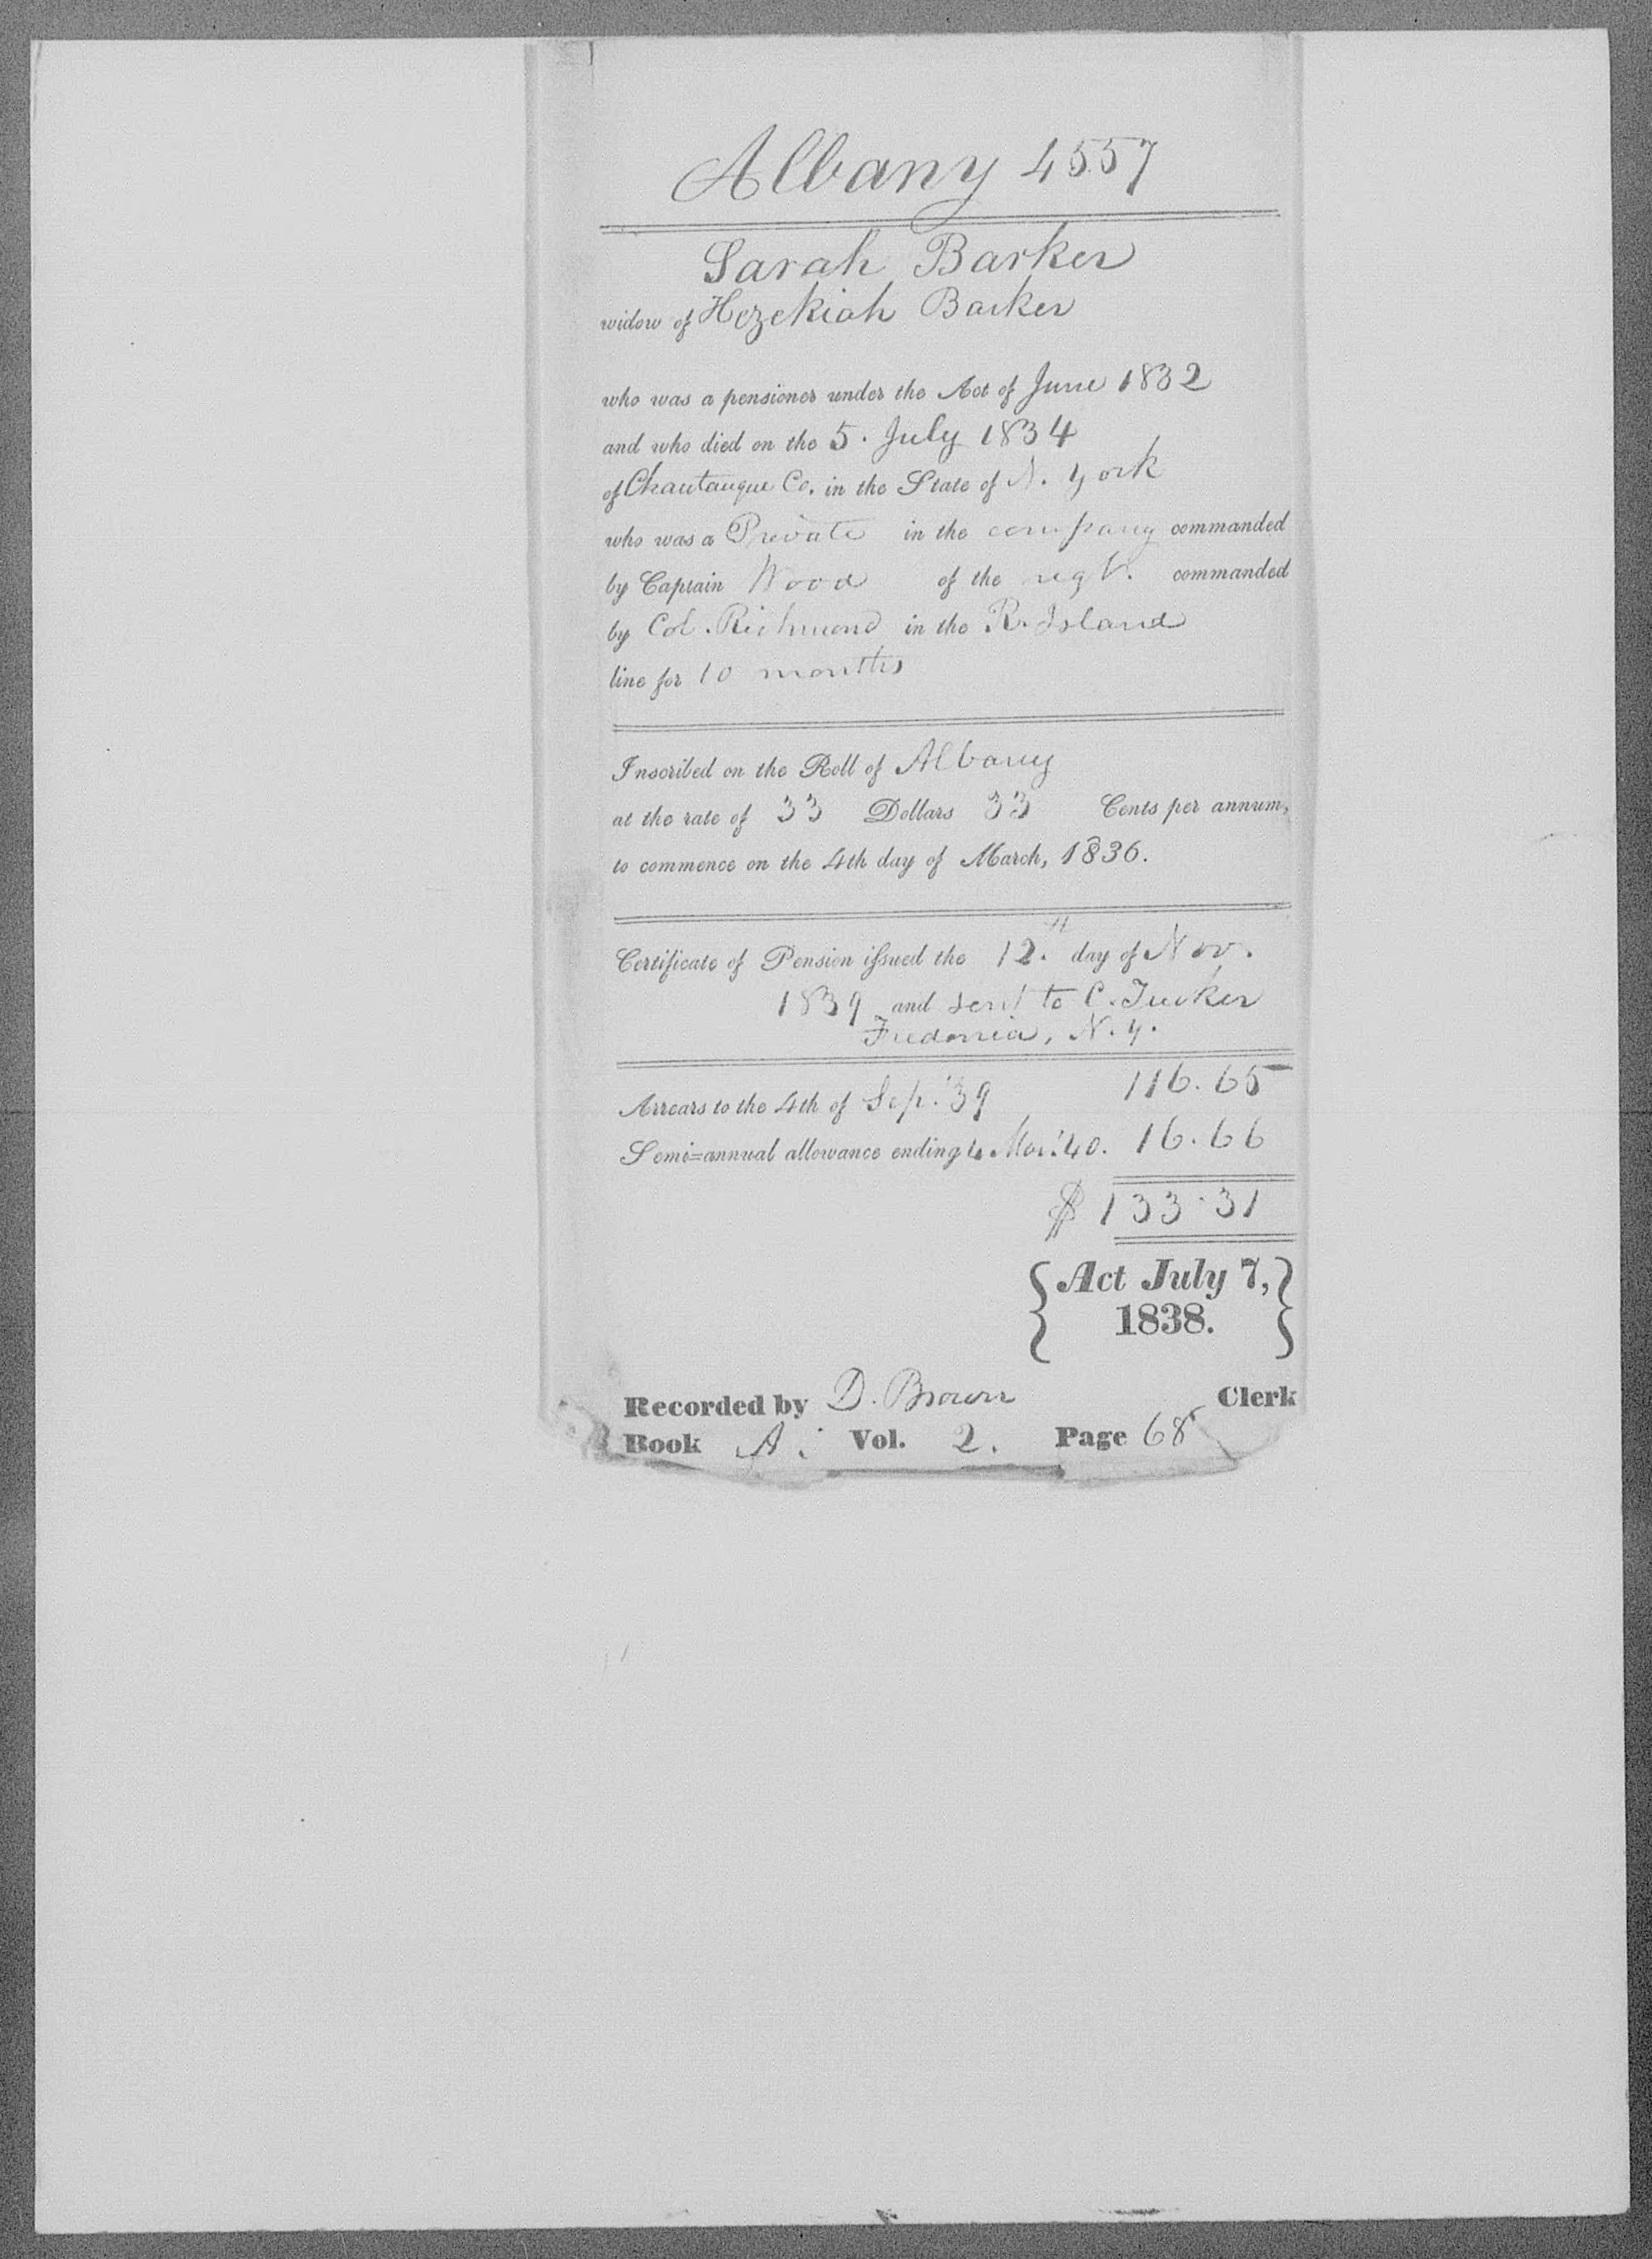Albany 4557
Sarah Barker widow of Hezekiah Barker who was a pensioner under the Act of June 1832 and who died on the 5 July 1834 of Chautauqua Co. in the State of N. York who was a private in the company commanded by Captain Wood of the regt. Commanded by Col. Richmond in the R. Island line for 10 months
Inscribed on the Roll of Albany at the rate of 33 dollars 33 cents per annum, to commence on the 4th day of March, 1836.
Certificate of Pension issued the 12th day of Nov. 1839 and sent to C. Tucker Fredonia, N. Y.
Arrears to the 4th of Sep. ’39     116.65
Semi=annual allowance ending 4 mar. ’40     16.66
[underline]
$133.31
{Act July 7, 1838}
Recorded by D. Brown Clerk
Book A Vol. 2. Page 68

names: C Tucker, Hezekiah Barker, D Brown, Wood, Richmond, Sarah Barker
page: 19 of 52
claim: widow's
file: W. 18,565, Hezekiah Barker, Continental R.I.